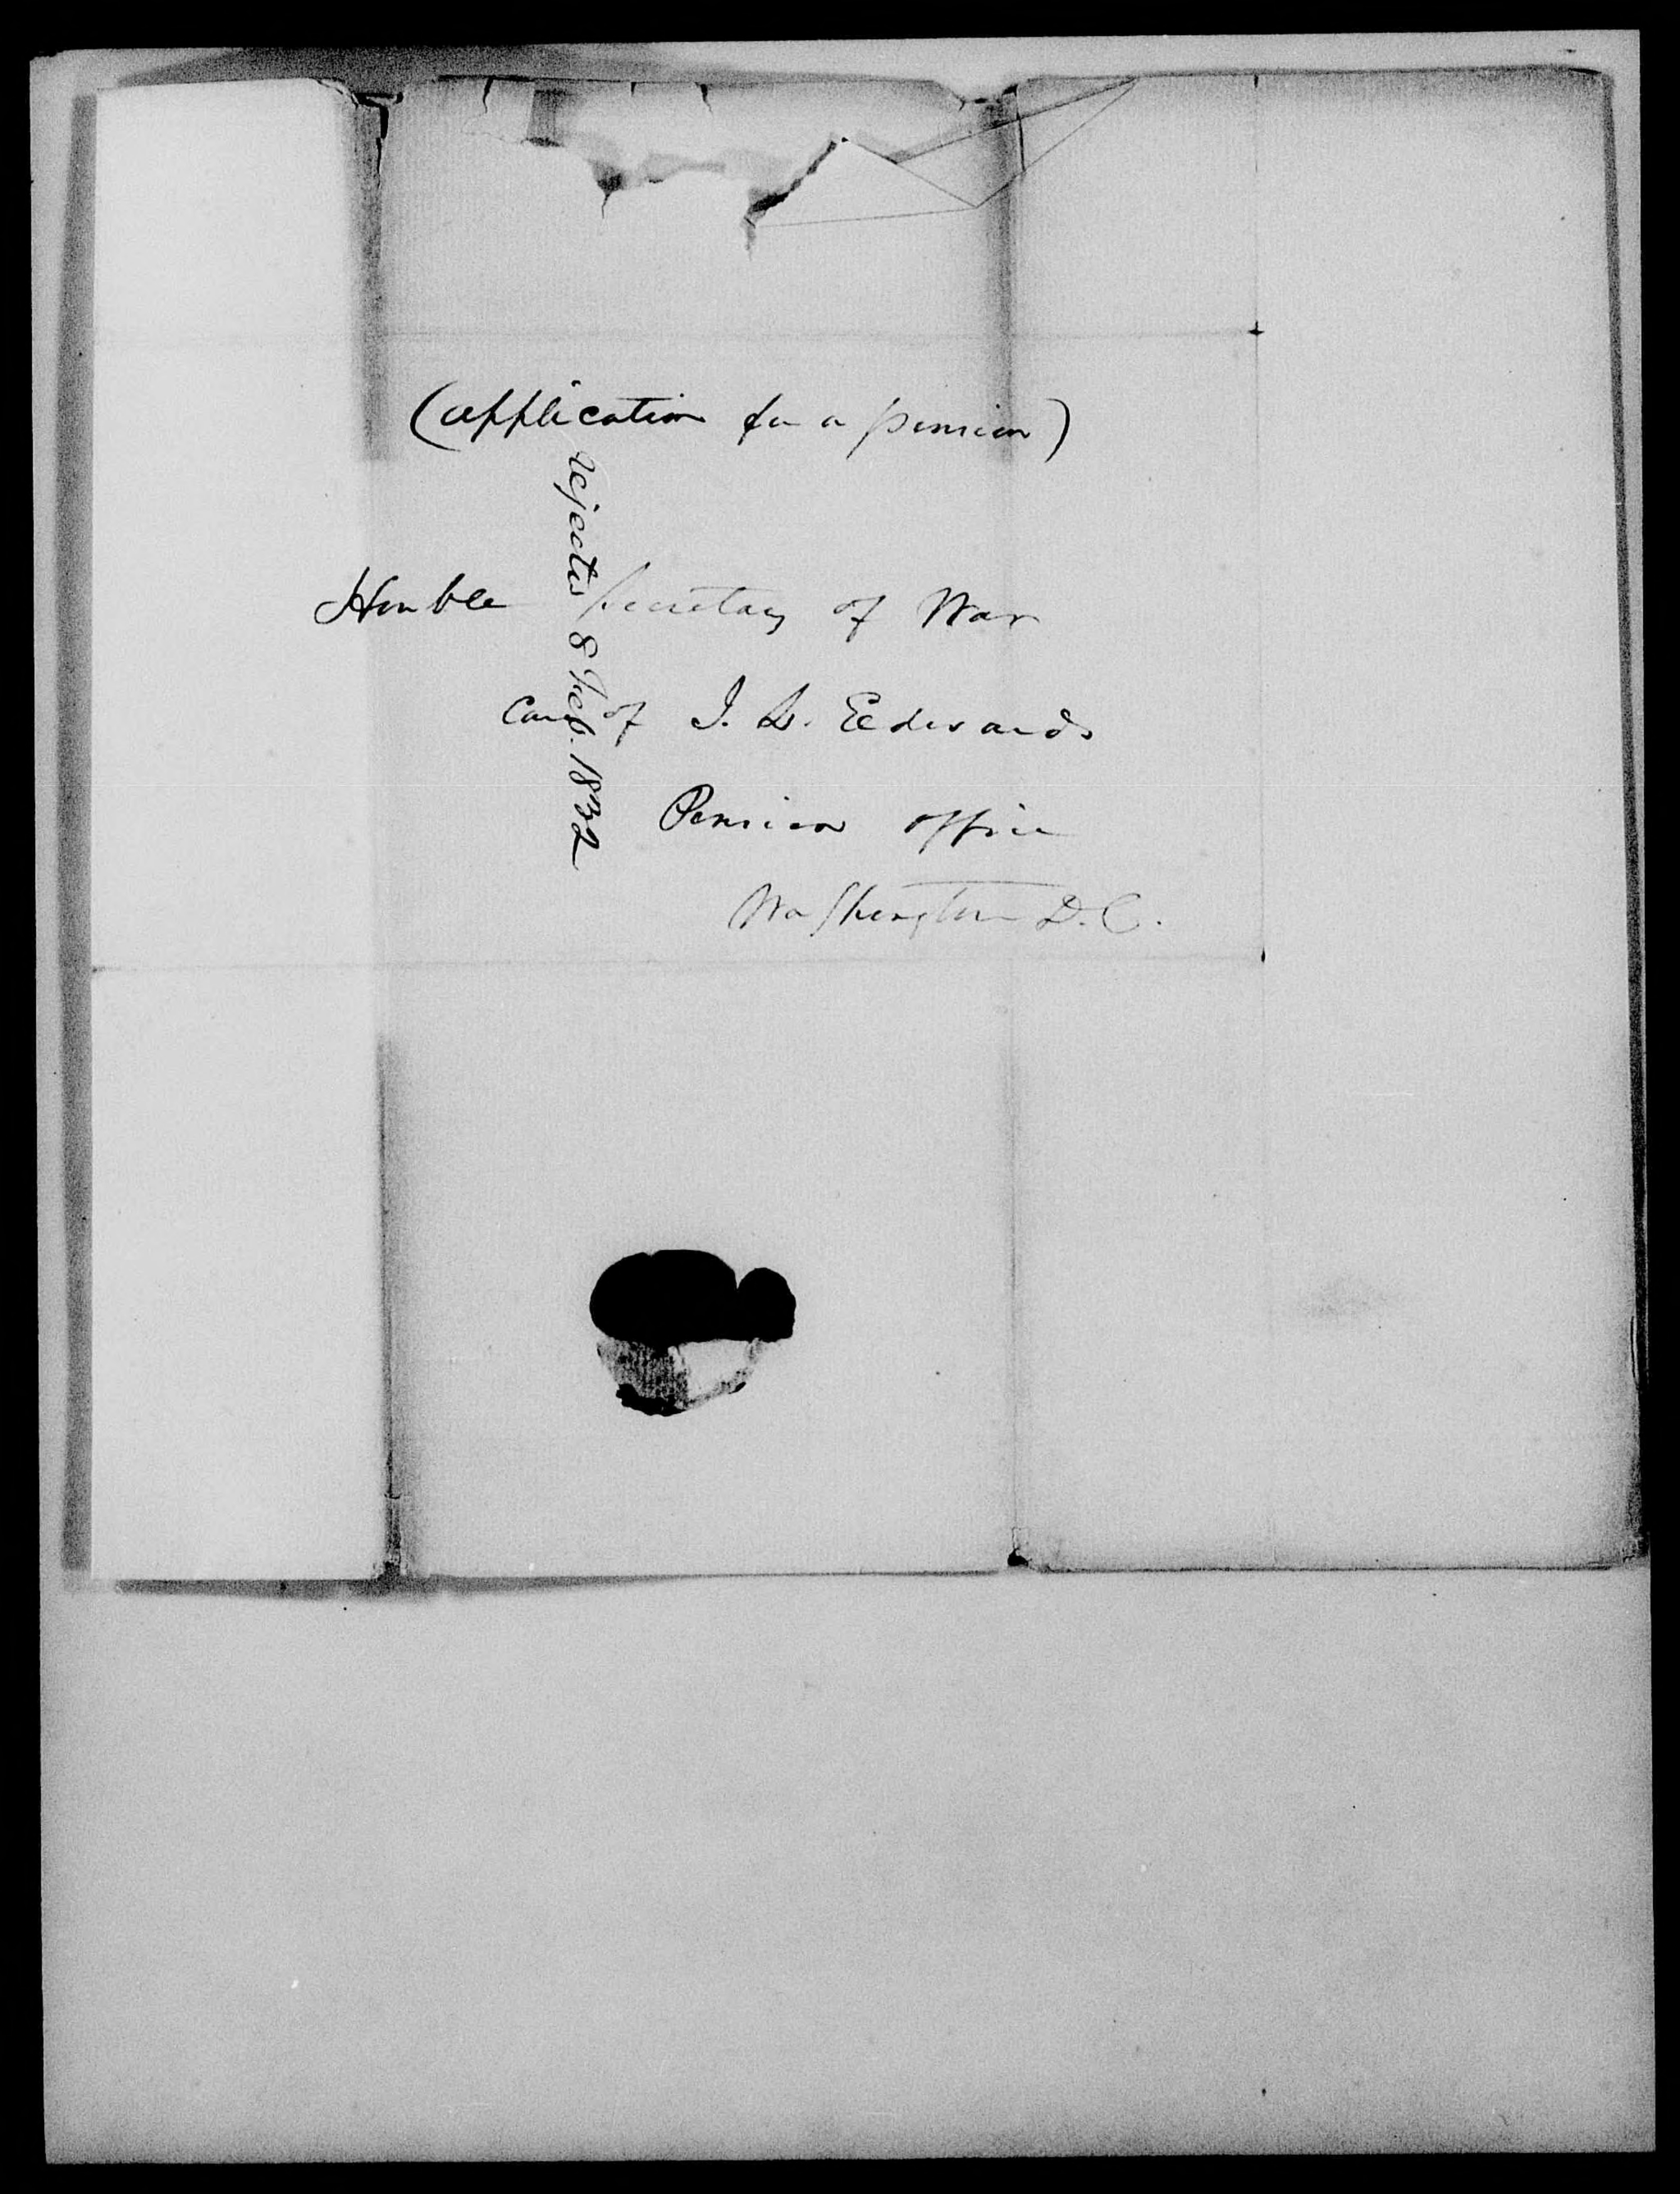(application for a pension)

Honble Secretary of War
Case of J. L. Edwards
Pension Office
Washington D.C.

Rejected 8 Feb. 1832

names: J L Edwards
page: 30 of 35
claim: survivor's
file: S. 30,665, for John Prewett, Virginia